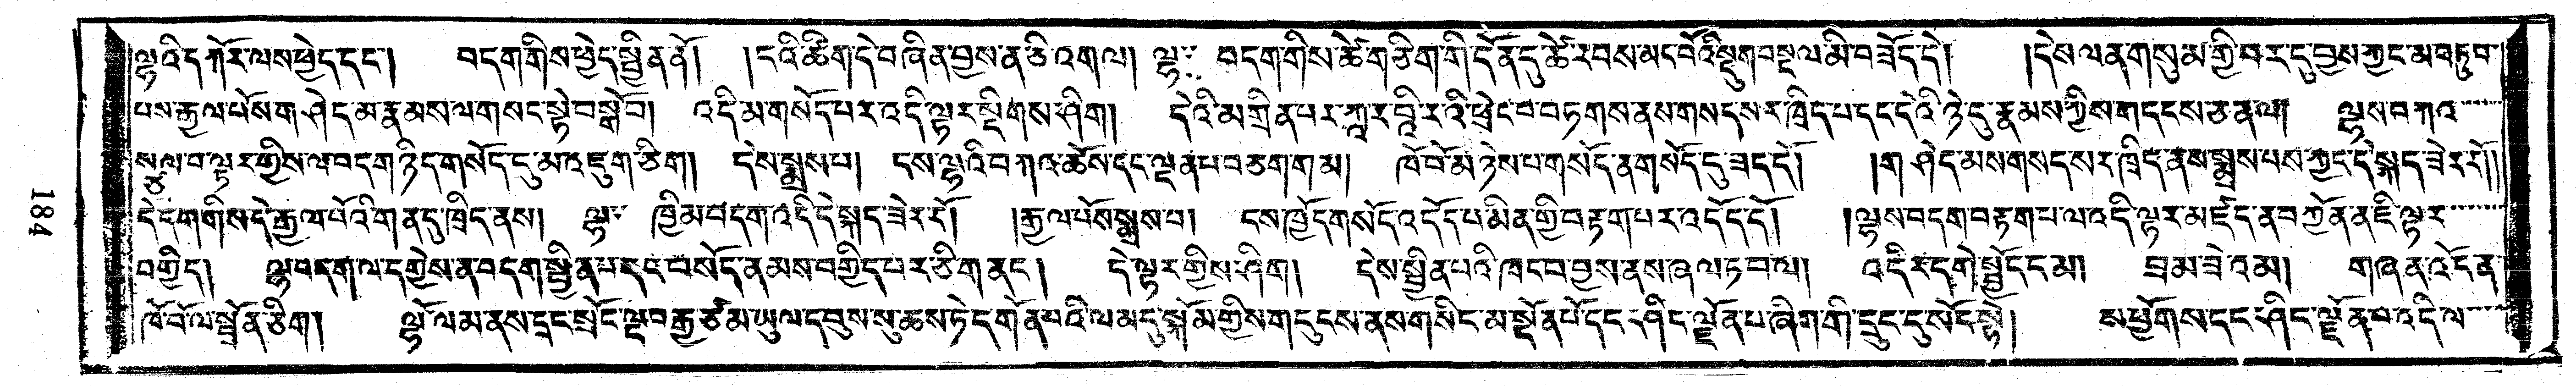ལྷའི་དཀོར་ལས་ཕྱེད་དང་། བདག་གིས་ཕྱེད་སྦྱིན་ནོ། །ངའི་ཚིག་དེ་བཞིན་བྱས་ན་ཅི་འགལ། ལྷ༑ བདག་གིས་ཚེ་གཅིག་གི་དོན་དུ་ཚེ་རབས་མང་པོའི་སྡུག་བསྔལ་མི་བཟོད་དེ། །དེས་ལན་གསུམ་གྱི་བར་དུ་བྱས་ཀྱང་མ་བཏུབ་
པས་རྒྱལ་པོས་གཤེད་མ་རྣམས་ལ་གསང་སྟེ་བསྒོ་བ། འདི་མ་གསོད་པར་འདི་ལྟར་སྡིགས་ཤིག། དེའི་མགྲིན་པར་ཀཱ་ར་བཱི་རའི་ཕྲེང་བ་བཏགས་ནས་གསད་སར་ཁྲིད་པ་དང་དེའི་ཉེ་དུ་རྣམས་ཀྱིས་གདངས་ཅན་ལ། ལྷས་བཀའ་
སྩལ་བ་ལྟར་གྱིས་ལ་བདག་ཉིད་གསོད་དུ་མ་འཇུག་ཅིག། དེས་སྨྲས་པ། ངས་ལྷའི་བཀའ་ཆོས་དང་ལྡན་པ་བཅག་གམ། ཁོ་བོ་མཉེས་པ་གསོད་ན་གསོད་དུ་ཟད་དོ། །གཤེད་མས་གསད་སར་ཁྲིད་ནས་སྨྲས་པས་ཀྱང་དེ་སྐད་ཟེར་རོ། །
དེ་དག་གིས་དེ་རྒྱལ་པོའི་གན་དུ་ཁྲིད་ནས། ལྷ༑ ཁྱིམ་བདག་འདི་དེ་སྐད་ཟེར་རོ། །རྒྱལ་པོས་སྨྲས་པ། ངས་ཁྱོད་གསོད་འདོད་པ་མིན་གྱི་བརྟག་པར་འདོད་དོ། །ལྷས་བདག་བརྟག་པ་ལ་འདི་ལྟར་མཛད་ན་བཀྱོན་ན་ཇི་ལྟར་
བགྱིད། ལྷ་བདག་ལ་དགྱེས་ན་བདག་སྦྱིན་པ་དང་བསོད་ནམས་བགྱིད་པར་ཅི་གནང་། དེ་ལྟར་གྱིས་ཤིག། དེས་སྦྱིན་པའི་ཁང་བ་བྱས་ནས་ཞལ་ཏ་བ་ལ། འདིར་དགེ་སྤྱོད་དམ། བྲམ་ཟེའམ། གཞན་འདོན་
ཁོ་བོ་ལ་སྤྲོན་ཅིག། ལྷོ་ལམ་ནས་དྲང་སྲོང་ལྔ་བརྒྱ་ཙམ་ཡུལ་དབུས་སུ་ཆས་ཏེ་དགོན་པའི་ལམ་དུ་སྐོམ་གྱིས་གདུངས་ནས་གསིང་མ་སྔོན་པོ་དང་ཤིང་ལྗོན་པ་ཞིག་གི་དྲུང་དུ་སོང་སྟེ། ས་ཕྱོགས་དང་ཤིང་ལྗོན་པ་འདི་ལ་